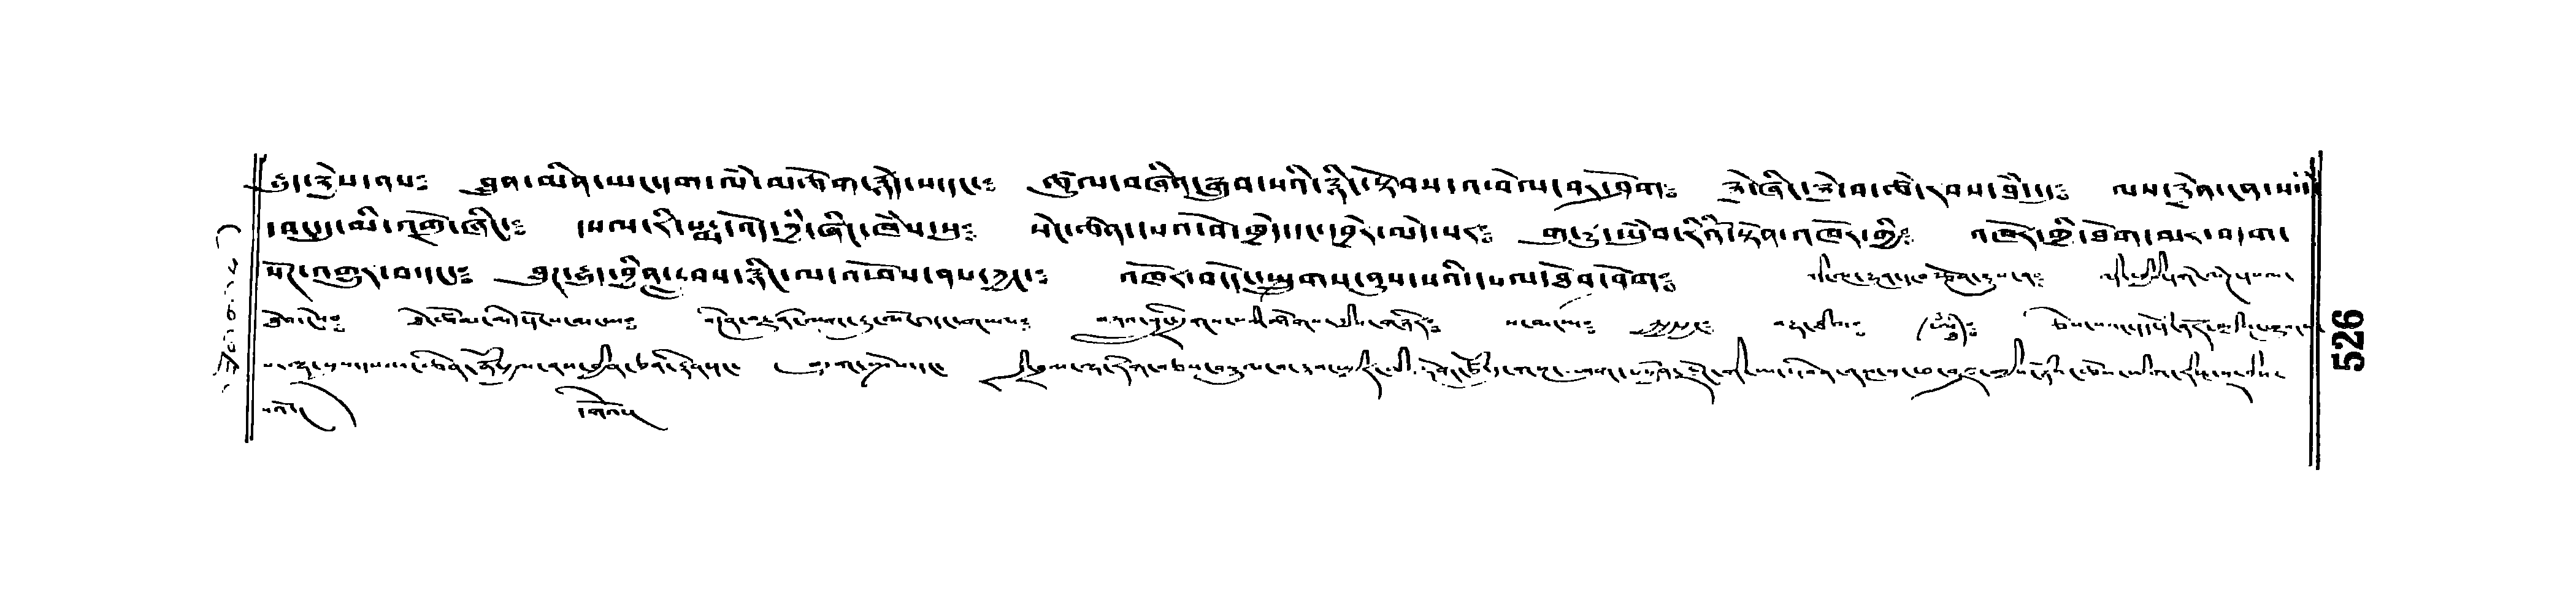རྒྱུད་སྐྱེས་ནས༔ ཐུན་མིན་ཡང་དག་ལམ་མཆོག་རྙེད་པ་དང༔ ཚུལ་བཞིན་སྒྲུབ་པའི་སྙིང་སྟོབས་འཕེལ་བར་ཤོག༔ སྐྱེ་ཞིང་སྐྱེ་བ་ཚེ་རབས་ཐམས་ཅད་དུ༔ ལས་རྐྱེན་ངན་པའི་
དབང་དུ་མི་འགྲོ་ཞིང༔ དཔལ་རི་པདྨ་འོད་ཀྱི་ཞིང་ཁམས་སུ༔ སེང་ཆེན་དཔའ་བོ་ཁྱེད་དང་དབྱེར་མེད་པར༔ གུ་རུ་ཡབ་ཡུམ་རིག་འཛིན་སྟོན་འཁོར་གྱི༔ འཁོར་གྱི་ཐོག་མར་བདག་
སོགས་འགྱུར་བ་དང༔ ཐུགས་རྒྱུད་བྱིན་རླབས་སྙིང་ལ་འཕོས་ནས་ཀྱང༔ འཁོར་བ་དོང་སྤྲུགས་ནུས་པའི་དཔལ་ཐོབ་ཤོག༔ འདི་ལ་རྒྱུན་དུ་བརྩོན་ནུས་ན༔ འདི་ཕྱིའི་དགེ་ལེགས་དཔལ་
ཐོབ་ངེས༔ ཐེ་ཚོམ་མེད་དོ་ས་མ་ཡ༔ བདེན་བརྫུན་ལག་ཏུ་ལོངས་དང་གསལ༔ བཀའ་སྲུང་དྲེགས་པའི་ཚོགས་ཀྱིས་གཉེར༔ ས་མ་ཡ༔ རྒྱ་རྒྱ་རྒྱ༔ བརྡ་ཐིམ༔ ༔ ཅེས་པའང་དད་དམ་ནོར་གྱིས་ཕྱུག་
པ་ལྷ་སྲས་དཔལ་ཆེན་རྣམ་རྒྱལ་ནས་བྱིན་ཅན་རྟེན་དང༔བདུག་སྤོས་དང༔ དྲི་བྲལ་ལྷ་རེག་བཅས་བསྐུལ་བ་ཟབ་ཕྱིར་མ་ལྡོག་ཙམ་དུ་གསང་ཕུག་ཨོ་རྒྱན་རྫོང་གི་ཡང་དབེན་ནས་སུ་ཁ་བཛྲ་གྱིས་ཉམས་ཆོས་ཡིག་རིས་སུ་བྲིས་
པའོ།། དགེའོ།།